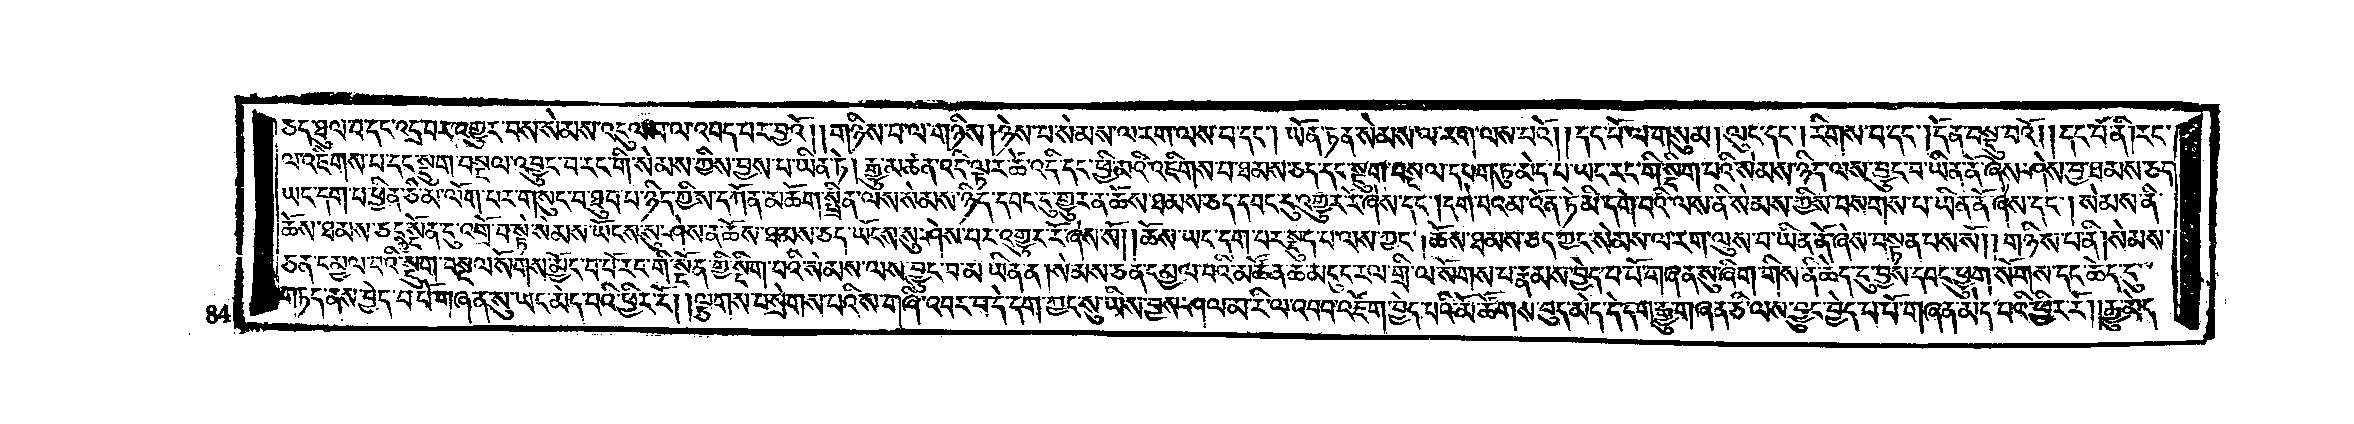ཅད་ཐུལ་པ་དང་འདྲ་བར་འགྱུར་བས་སེམས་འདུལ་བ་ལ་འབད་པར་བྱའོ། །གཉིས་པ་ལ་གཉིས། ཉེས་པ་སེམས་ལ་རག་ལས་པ་དང་། ཡོན་ཏན་སེམས་ལ་རག་ལས་པའོ། །དང་པོ་ལ་གསུམ། ལུང་དང་། རིགས་པ་དང་། དོན་བསྡུ་བའོ། །དང་པོ་ནི། རང་
ལ་འཇིགས་པ་དང་སྡུག་བསྔལ་འབྱུང་བ་རང་གི་སེམས་ཀྱིས་བྱས་པ་ཡིན་ཏེ། རྒྱུ་མཚན་འདི་ལྟར་ཚེ་འདི་དང་ཕྱི་མའི་འཇིགས་པ་ཐམས་ཅད་དང་སྡུག་བསྔལ་དཔག་ཏུ་མེད་པ་ཡང་རང་གི་སྡིག་པའི་སེམས་ཉིད་ལས་བྱུང་བ་ཡིན་ནོ་ཞེས་ཤེས་བྱ་ཐམས་ཅད་
ཡང་དག་པ་ཕྱིན་ཅི་མ་ལོག་པར་གསུང་བ་ཐུབ་པ་ཉིད་ཀྱིས་དཀོན་མཆོག་སྤྲིན་ལས་སེམས་ཉིད་དབང་དུ་གྱུར་ན་ཆོས་ཐམས་ཅད་དབང་དུ་འགྱུར་རོ་ཞེས་དང་། དགེ་བའམ་འོན་ཏེ་མི་དགེ་བའི་ལས་ནི་སེམས་ཀྱིས་བསགས་པ་ཡིན་ནོ་ཞེས་དང་། སེམས་ནི་
ཆོས་ཐམས་ཅད་སྔོན་དུ་འགྲོ་བ་སྟེ་སེམས་ཡོངས་སུ་ཤེས་ན་ཆོས་ཐམས་ཅད་ཡོངས་སུ་ཤེས་པར་འགྱུར་རོ་ཞེས་སོ། །ཆོས་ཡང་དག་པར་སྡུད་པ་ལས་ཀྱང་། ཆོས་ཐམས་ཅད་ཀྱང་སེམས་ལ་རག་ལུས་པ་ཡིན་ནོ་ཞེས་བསྟན་པས་སོ། །གཉིས་པ་ནི། སེམས་
ཅན་དམྱལ་བའི་སྡུག་བསྔལ་སོགས་མྱོང་བ་པོ་རང་གི་སྔོན་གྱི་སྡིག་པའི་སེམས་ལས་བྱུང་བ་མ་ཡིན་ནོ། སེམས་ཅན་དམྱལ་བའི་མཚོན་ཆ་མདུད་རལ་གྲི་ལ་སོགས་པ་རྣམས་བྱེད་པ་པོ་གཞན་སུ་ཞིག་གུས་ནི་ཆེད་དུ་བྱས་དབང་ཕྱུག་སོགས་དང་ཆེད་དུ་
གཏད་ནས་བྱེད་པ་པོ་གཞན་སུ་ཡང་མེད་པའི་ཕྱིར་རོ། །ལྕགས་པ་སྲེགས་པའི་ས་བཞི་འབར་བ་དེ་དག་ཀྱང་སུ་ཡིས་བྱས་ཤེལ?་མ་རི་ལ་འབབ་འཇོག་བྱེད་པའི་མོ་ཚོགས་བུད་མེད་དེ་དག་རྒྱུ་གཞན་ཅི་ལས་བྱུང་བྱེད་པ་པོ་གཞན་མེད་པའི་ཕྱིར་རོ། །རྒྱུ་མེད་